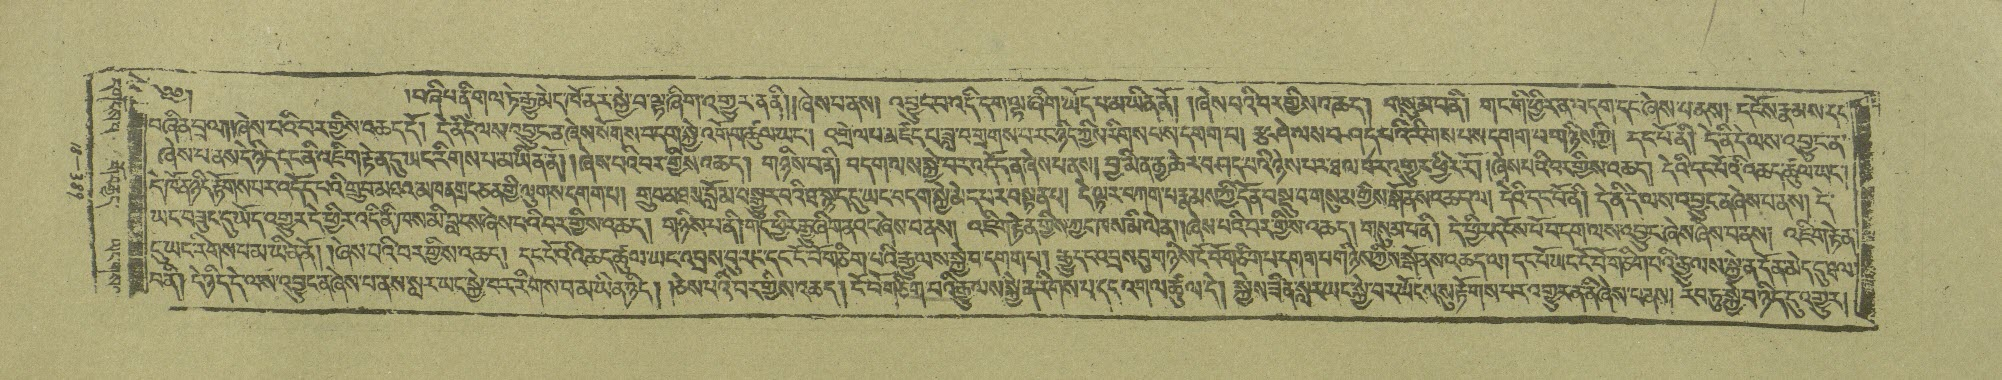༄༅། །བཞི་པ་ནི་གལ་ཏེ་རྒྱུ་མེད་ཁོ་ནར་སྐྱེ་བ་ལྟ་ཞིག་འགྱུར་ན་ནི། །ཞེས་པ་ནས། འབྱུང་བ་འདི་དག་ལྟ་ཞིག་ཡོད་པ་མ་ཡིན་ནོ། ཞེས་པའི་བར་གྱིས་འཆད། གསུམ་པ་ནི། གང་གི་ཕྱིར་ན་བདག་དང་ཞེས་པ་ནས། དངོས་རྣམས་རང་
བཞིན་བྲལ། །ཞེས་པའི་བར་གྱིས་འཆད་དོ། དེ་ནི་དེ་ལས་འབྱུང་ན་ཞེས་སོགས་བདག་སྐྱེ་འགོག་ཚུལ་ཡང་། འགྲེལ་བ་མཛད་པ་ཟླ་བ་གྲགས་པ་རང་ཉིད་ཀྱིས་རིགས་པས་དགག་པ། རྩ་ཤེ་ལས་འཆད་པའི་རིགས་པས་དགག་པ་གཉིས་ཀྱི། དང་པོ་ནི། དེ་ནི་དེ་ལས་འབྱུང་ན་
ཞེས་པ་ནས་དེ་ཉིད་དང་ནི་འཇིག་རྟེན་དུ་ཡང་རིགས་པ་མ་ཡིན་ནོ། །ཞེས་པའི་བར་གྱིས་འཆད། གཉིས་པ་ནི། བདག་ལས་སྐྱེ་བར་འདོད་ན་ཞེས་པ་ནས། བྱ་མིན་རྒྱ་ཆེར་བཤད་པའི་ཉེས་པར་ཐལ་བར་འགྱུར་ཕྱིར་རོ། །ཞེས་པའི་བར་གྱིས་འཆད། དེའི་དང་པོའི་འཆད་ཚུལ་ཡང་།
དེ་ཁོ་ན་ཉིད་རྟོགས་པར་འདོད་པའི་གྲུབ་མཐའ་མཁན་གྲང་ཅན་གྱི་ལུགས་དགག་པ། གྲུབ་མཐས་བློ་མ་བསྒྱུར་བའི་ཐ་སྙད་དུ་ཡང་བདག་སྐྱེ་མེད་པར་བསྟན་པ། དེ་ལྟར་བཀག་པ་རྣམས་ཀྱི་དོན་བསྡུ་བ་གསུམ་གྱིས་སྒོ་ནས་འཆད་ལ། དེའི་དང་པོ་ནི། དེ་ནི་དེ་ལས་འབྱུང་ན་ཞེས་པ་ནས། དེ་
ཡང་བཟུང་དུ་ཡོད་འགྱུར་དེ་ཕྱིར་འདི་ནི་ཁས་མི་བླངས་ཞེས་པའི་བར་གྱིས་འཆད། གཉིས་པ་ནི། གང་ཕྱིར་རྒྱུ་ཞིག་ནའང་ཞེས་པ་ནས། འཇིག་རྟེན་གྱིས་ཀྱང་ཁས་མི་ལེན། །ཞེས་པའི་བར་གྱིས་འཆད། གསུམ་པ་ནི། དེ་ཕྱིར་དངོས་པོ་བདག་ལས་འབྱུང་ཞེས་ཞེས་པ་ནས། འཇིག་རྟེན་
དུ་ཡང་རིགས་པ་མ་ཡིན་ནོ། །ཞེས་པའི་བར་གྱིས་འཆད། དང་པོའི་འཆད་ཚུལ་ཡང་འབྲས་བུ་རང་དང་ངོ་བོ་གཅིག་པའི་རྒྱུ་ལས་སྐྱེ་བ་དགག་པ། རྒྱུ་དང་འབྲས་བུ་གཉིས་ངོ་བོ་གཅིག་པ་དགག་པ་གཉིས་ཀྱིས་སྒོ་ནས་འཆད་ལ། དང་པོ་ཡང་ངོ་བོ་གཅིག་པའི་རྒྱུ་ལས་སྐྱེ་ན་དོན་མེད་དུ་ཐལ་
བ་ནི། དེ་ཉིད་དེ་ལས་འབྱུང་ན་ཞེས་པ་ནས་སླར་ཡང་སྐྱེ་བར་རིགས་པ་མ་ཡིན་ཉིད། །ཅེས་པའི་བར་གྱིས་འཆད། ངོ་བོ་གཅིག་པའི་རྒྱུ་ལས་སྐྱེ་ན་རིགས་པ་དང་འགལ་ཚུལ་དེ། སྐྱེས་ཟིན་སླར་ཡང་སྐྱེ་བར་ཡོངས་སུ་རྟོགས་པར་འགྱུར་ན་ནི་ཞེས་པ་ནས། རབ་ཏུ་སྐྱེ་བ་ཉིད་དུ་འགྱུར།